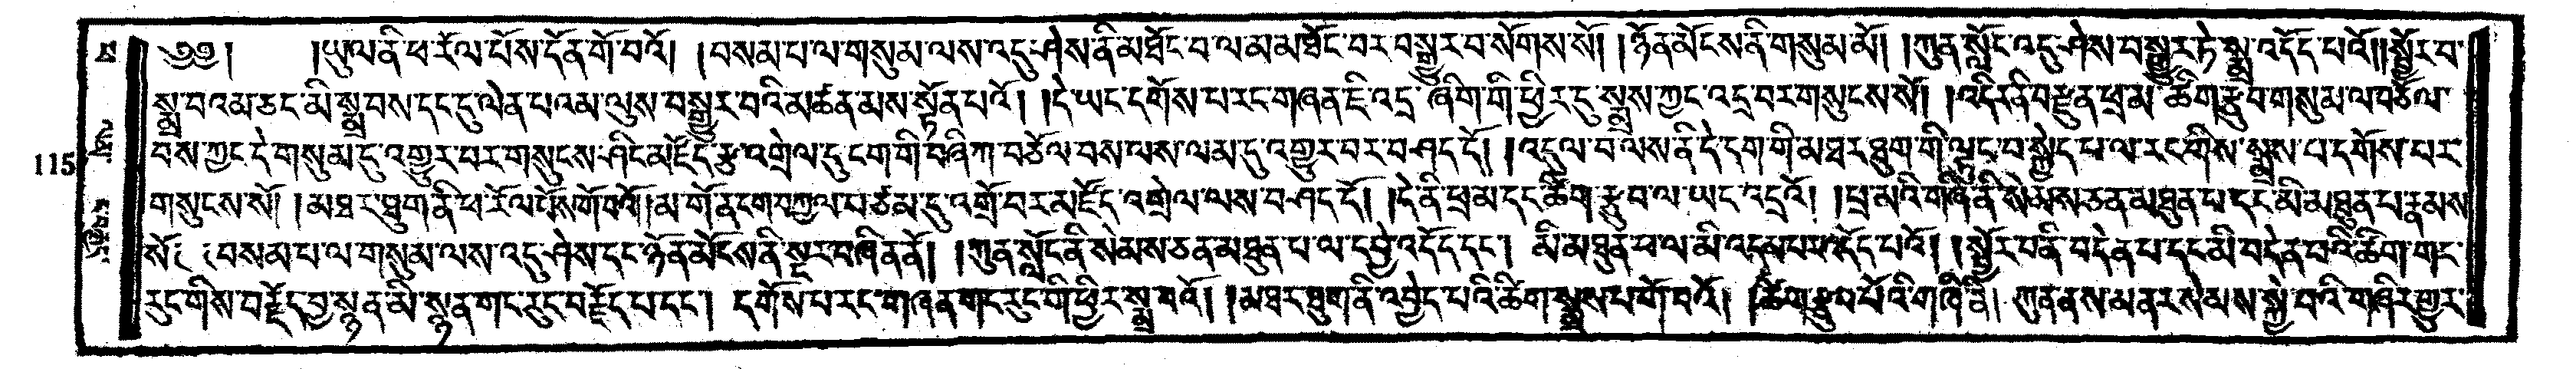༄༅། །ཡུལ་ནི་ཕ་རོལ་པོས་དོན་གོ་བའོ། །བསམ་པ་ལ་གསུམ་ལས་འདུ་ཤེས་ནི་མཐོང་བ་ལ་མ་མཐོང་བར་བསྒྱུར་བ་སོགས་སོ། །ཉོན་མོངས་ནི་གསུམ་མོ། །ཀུན་སློང་འདུ་ཤེས་བསྒྱུར་ཏེ་སྨྲ་འདོད་པའོ། །སྦྱོར་བ་
སྨྲ་བའམ་ཅང་མི་སྨྲ་བས་དང་དུ་ལེན་པའམ་ལུས་བསྒྱུར་བའི་མཚན་མས་སྟོན་པའོ། །དེ་ཡང་དགོས་པ་རང་གཞན་ཇི་འདྲ་ཞིག་གི་ཕྱིར་དུ་སྨྲས་ཀྱང་འདྲ་བར་གསུངས་སོ། །འདིར་ནི་བརྫུན་ཕྲ་མ་ཚིག་རྩུབ་པ་གསུམ་ལ་བཅོལ་
བས་ཀྱང་དེ་གསུམ་དུ་འགྱུར་བར་གསུངས་ཤིང་མཛོད་རྩ་འགྲེལ་དུ་ངག་གི་བཞི་ཀ་བཅོལ་བས་ལས་ལམ་དུ་འགྱུར་བར་བཤད་དོ། །འདུལ་བ་ལས་ནི་དེ་དག་གི་མཐར་ཐུག་གི་ལྟུང་བ་སྐྱེད་པ་ལ་རང་གིས་སྨྲས་པ་དགོས་པར་
གསུངས་སོ་། །མཐར་ཐུག་ནི་ཕ་རོལ་པོས་གོ་བའོ། །མ་གོ་ན་ངག་བཀྱལ་པ་ཙམ་དུ་འགྲོ་བར་མཛོད་འགྲེལ་ལས་བཤད་དོ། །དེ་ནི་ཕྲ་མ་དང་ཚིག་རྩུབ་ལ་ཡང་འདྲའོ། །ཕྲ་མའི་གཞི་ནི་སེམས་ཅན་མཐུན་པ་དང་མི་མཐུན་པ་རྣམས་
སོ༑ ༑བསམ་པ་ལ་གསུམ་ལས་འདུ་ཤེས་དང་ཉོན་མོངས་ནི་སྔར་བཞིན་ནོ། །ཀུན་སློང་ནི་སེམས་ཅན་མཐུན་པ་ལ་དབྱེ་འདོད་དང་། མི་མཐུན་ཕ་ལ་མི་འདམ་པར་འདོད་པའོ། །སྦྱོར་བ་ནི་བདེན་པ་དང་མི་བདེན་བའི་ཚིག་གང་
རུང་གིས་བརྗོད་བྱ་སྙན་མི་སྙན་གང་རུང་བརྗོད་པ་དང་། །དགོས་པ་རང་གཞན་གང་རུང་གི་ཕྱིར་སྨྲ་བའོ། །མཐར་ཐུག་ནི་འབྱེད་པའི་ཚིག་སྨྲས་པ་གོ་བའོ། །ཚིག་རྩུབ་པོའི་གཞི་ནི། ཀུན་ནས་མནར་སེམས་སྐྱེ་བའི་གཞིར་གྱུར་